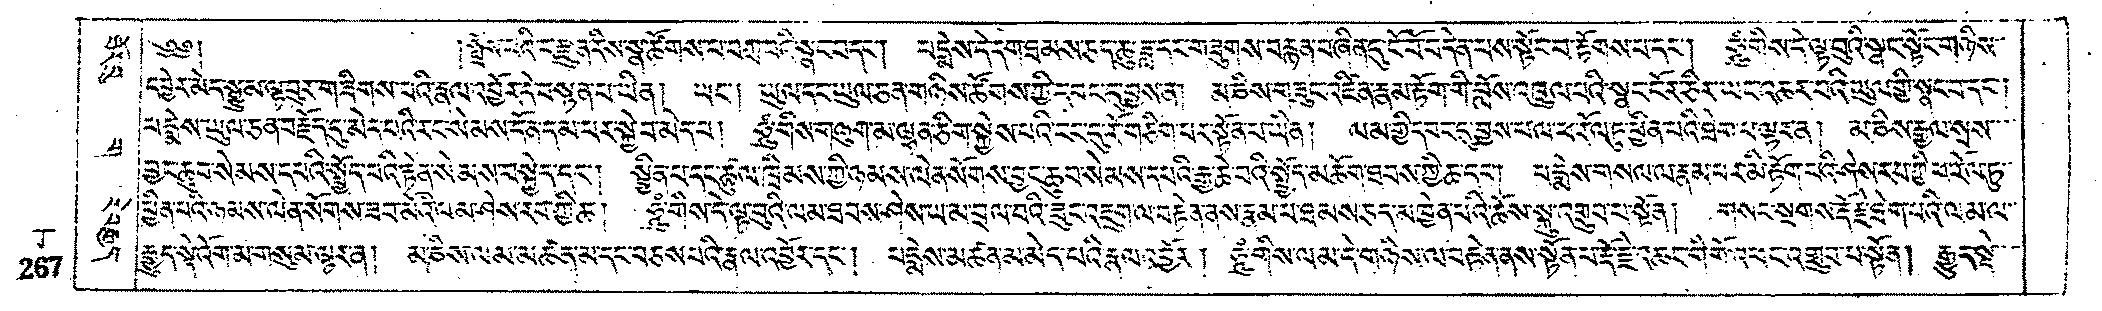༄༅། །སྤྲོས་པའི་བརྫུན་རིས་སྣ་ཚོགས་པ་བཀྲ་བའི་སྣང་བ་དང་། པདམེས་དེ་དག་ཐམས་ཅད་ཆུ་ཟླ་དང་གཟུགས་བརྙན་བཞིན་དུ་ངོ་བོ་བདེན་པས་སྟོང་བ་རྟོགས་པ་དང་། ཧཱུཾ་གིས་དེ་ལྟ་བུའི་སྣང་སྟོང་གཉིས་་་
དབྱེར་མེད་སྒྱུ་མ་ལྟ་བུར་གཟིགས་པའི་རྣལ་འབྱོར་དེ་བསྟན་པ་ཡིན། ཡང་། ཡུལ་དང་ཡུལ་ཅན་གཉིས་ཚོགས་ཀྱི་དབང་དུ་བྱས་ན། མ་ཎིས་གཟུང་འཛིན་རྣམ་རྟོག་གི་བློས་འཁྲུལ་པའི་སྣང་ངོར་ཅིར་ཡང་འཆར་བའི་ཡུལ་གྱི་སྣང་བ་དང་།
པདམེས་ཡུལ་ཅན་བརྗོད་དུ་མེད་པའི་རང་སེམས་དོན་དམ་པར་སྐྱེ་བ་མེད་པ། ཧཱུཾ་གིས་གཉུག་མ་ལྷན་ཅིག་སྐྱེས་པའི་ངག་དུ་རོ་གཅིག་པར་སྟོན་པ་ཡིན། ལམ་གྱི་དབང་དུ་བྱས་པ་ལ་ཕ་རོལ་ཏུ་ཕྱིན་པའི་ཐེག་པ་ལྟར་ན། མ་ཎིས་རྒྱལ་སྲས་་་
བྱང་ཆུབ་སེམས་དཔའི་སྤྱོད་པའི་རྟེན་སེམས་བསྐྱེད་དང་། སྦྱིན་པ་དང་ཚུལ་ཁྲིམས་ཀྱི་ཉམས་ལེན་སོགས་བྱང་ཆུབ་སེམས་དཔའི་རྒྱ་ཆེ་བའི་སྤྱོད་མཆོག་ཐབས་ཀྱི་ཆ་དང་། པདམེས་གསལ་ལ་རྣམ་པར་མི་རྟོག་པའི་ཤེས་རབ་ཀྱི་ཕ་རོལ་ཏུ་་་
ཕྱིན་པའི་ཉམས་ལེན་སོགས་ཟབ་མོའི་ལམ་ཤེས་རབ་ཀྱི་ཆ། ཧཱུཾ་གིས་དེ་ལྟ་བུའི་ལམ་ཐབས་ཤེས་ཡ་མ་བྲལ་བའི་ཟུང་འཇུག་ལ་བརྟེན་ནས་རྣམ་པ་ཐམས་ཅད་མཁྱེན་པའི་ཆོས་སྐུ་འགྲུབ་པ་སྟོན། གསང་སྔགས་རྡོ་རྗེ་ཐེག་པའི་ལམ་ལ་་་
རྒྱུད་སྡེ་འོག་མ་གསུམ་ལྟར་ན། མ་ཎིས་ལམ་མཚན་མ་དང་བཅས་པའི་རྣལ་འབྱོར་དང་། པདམེས་མཚན་མ་མེད་པའི་རྣལ་འབྱོར། ཧཱུཾ་གིས་ལམ་དེ་གཉིས་ལ་བརྟེན་ནས་སྟོན་པ་རྡོ་རྗེ་འཆང་གི་གོ་འཕང་འགྲུབ་པ་སྟོན། རྒྱུད་སྡེ་་་